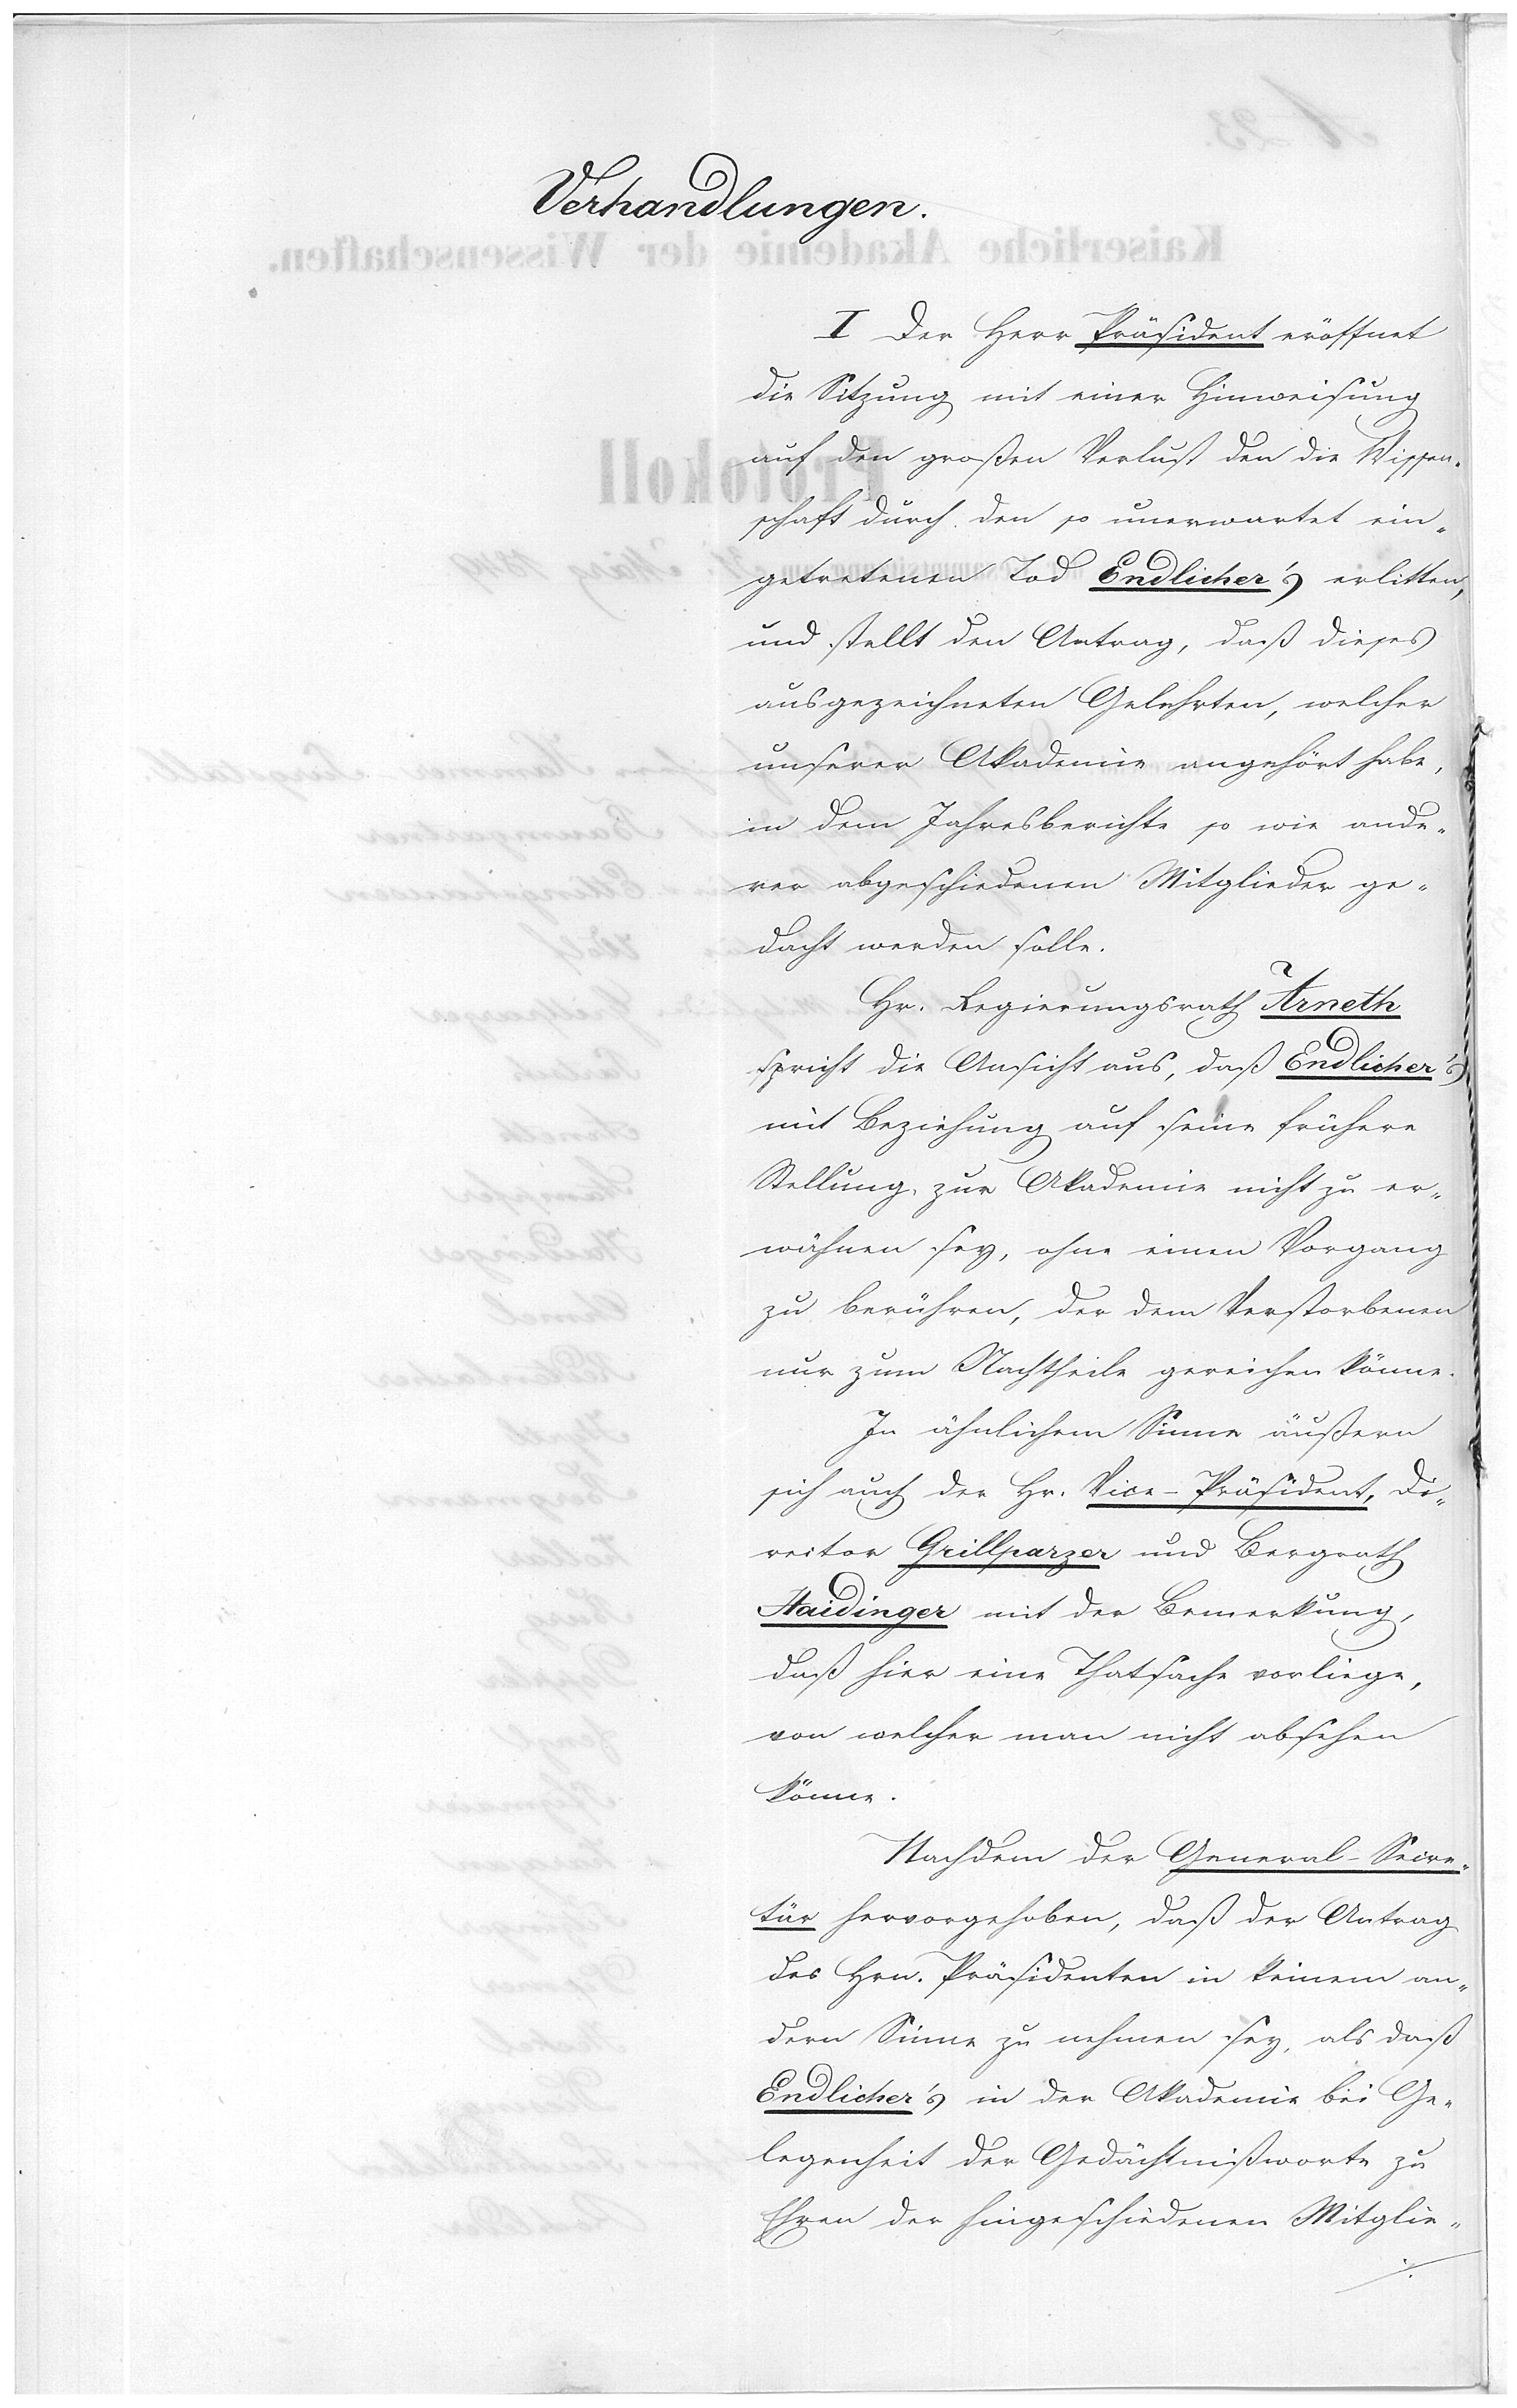Verhandlungen.
I Der Herr Präsident eröffnet
die Sitzung mit einer Hinweisung
auf den großen Verlust den die Wissen-
schaft durch den so erwartet ein-
getretenden Tod Endlicher's erlitten,
und stellt den Antrag, daß dieses
ausgezeichneten Gelehrten, welcher
unserer Akademie angehört habe,
in dem Jahresberichte so wie ande-
rer abgeschiedenen Mitglieder ge-
dacht werden solle.
Hr. Regierungsrath Arneth
spricht die Ansicht aus, daß Endlicher's
mit Beziehung auf seine frühere
Stellung zur Akademie nicht zu er-
währen sey, ohne einen Vorgang
zu berühren, der dem Verstorbeuen
nur zum Nachtheile gereichen könne.
In ähnlichem Sinne äußern
sich noch der Hr. Vice-Präsident, Di-
rector Grillparzer und Bergrath
Haidinger mit der Bemerkung,
daß hier eine Thatsache vorliege,
von welcher man nicht absehen
könne.
Nachdem der General-Secre-
tär hervorgehoben, daß der Antrag
des Hrn. Präsidenten in keinem an-
dern Sinne zu nehmen sey, als daß
Endlicher's in der Akademie bei Ge-
legenheit der Gedächtnißworte zu
Ehren der hingeschiedenen Mitglied-